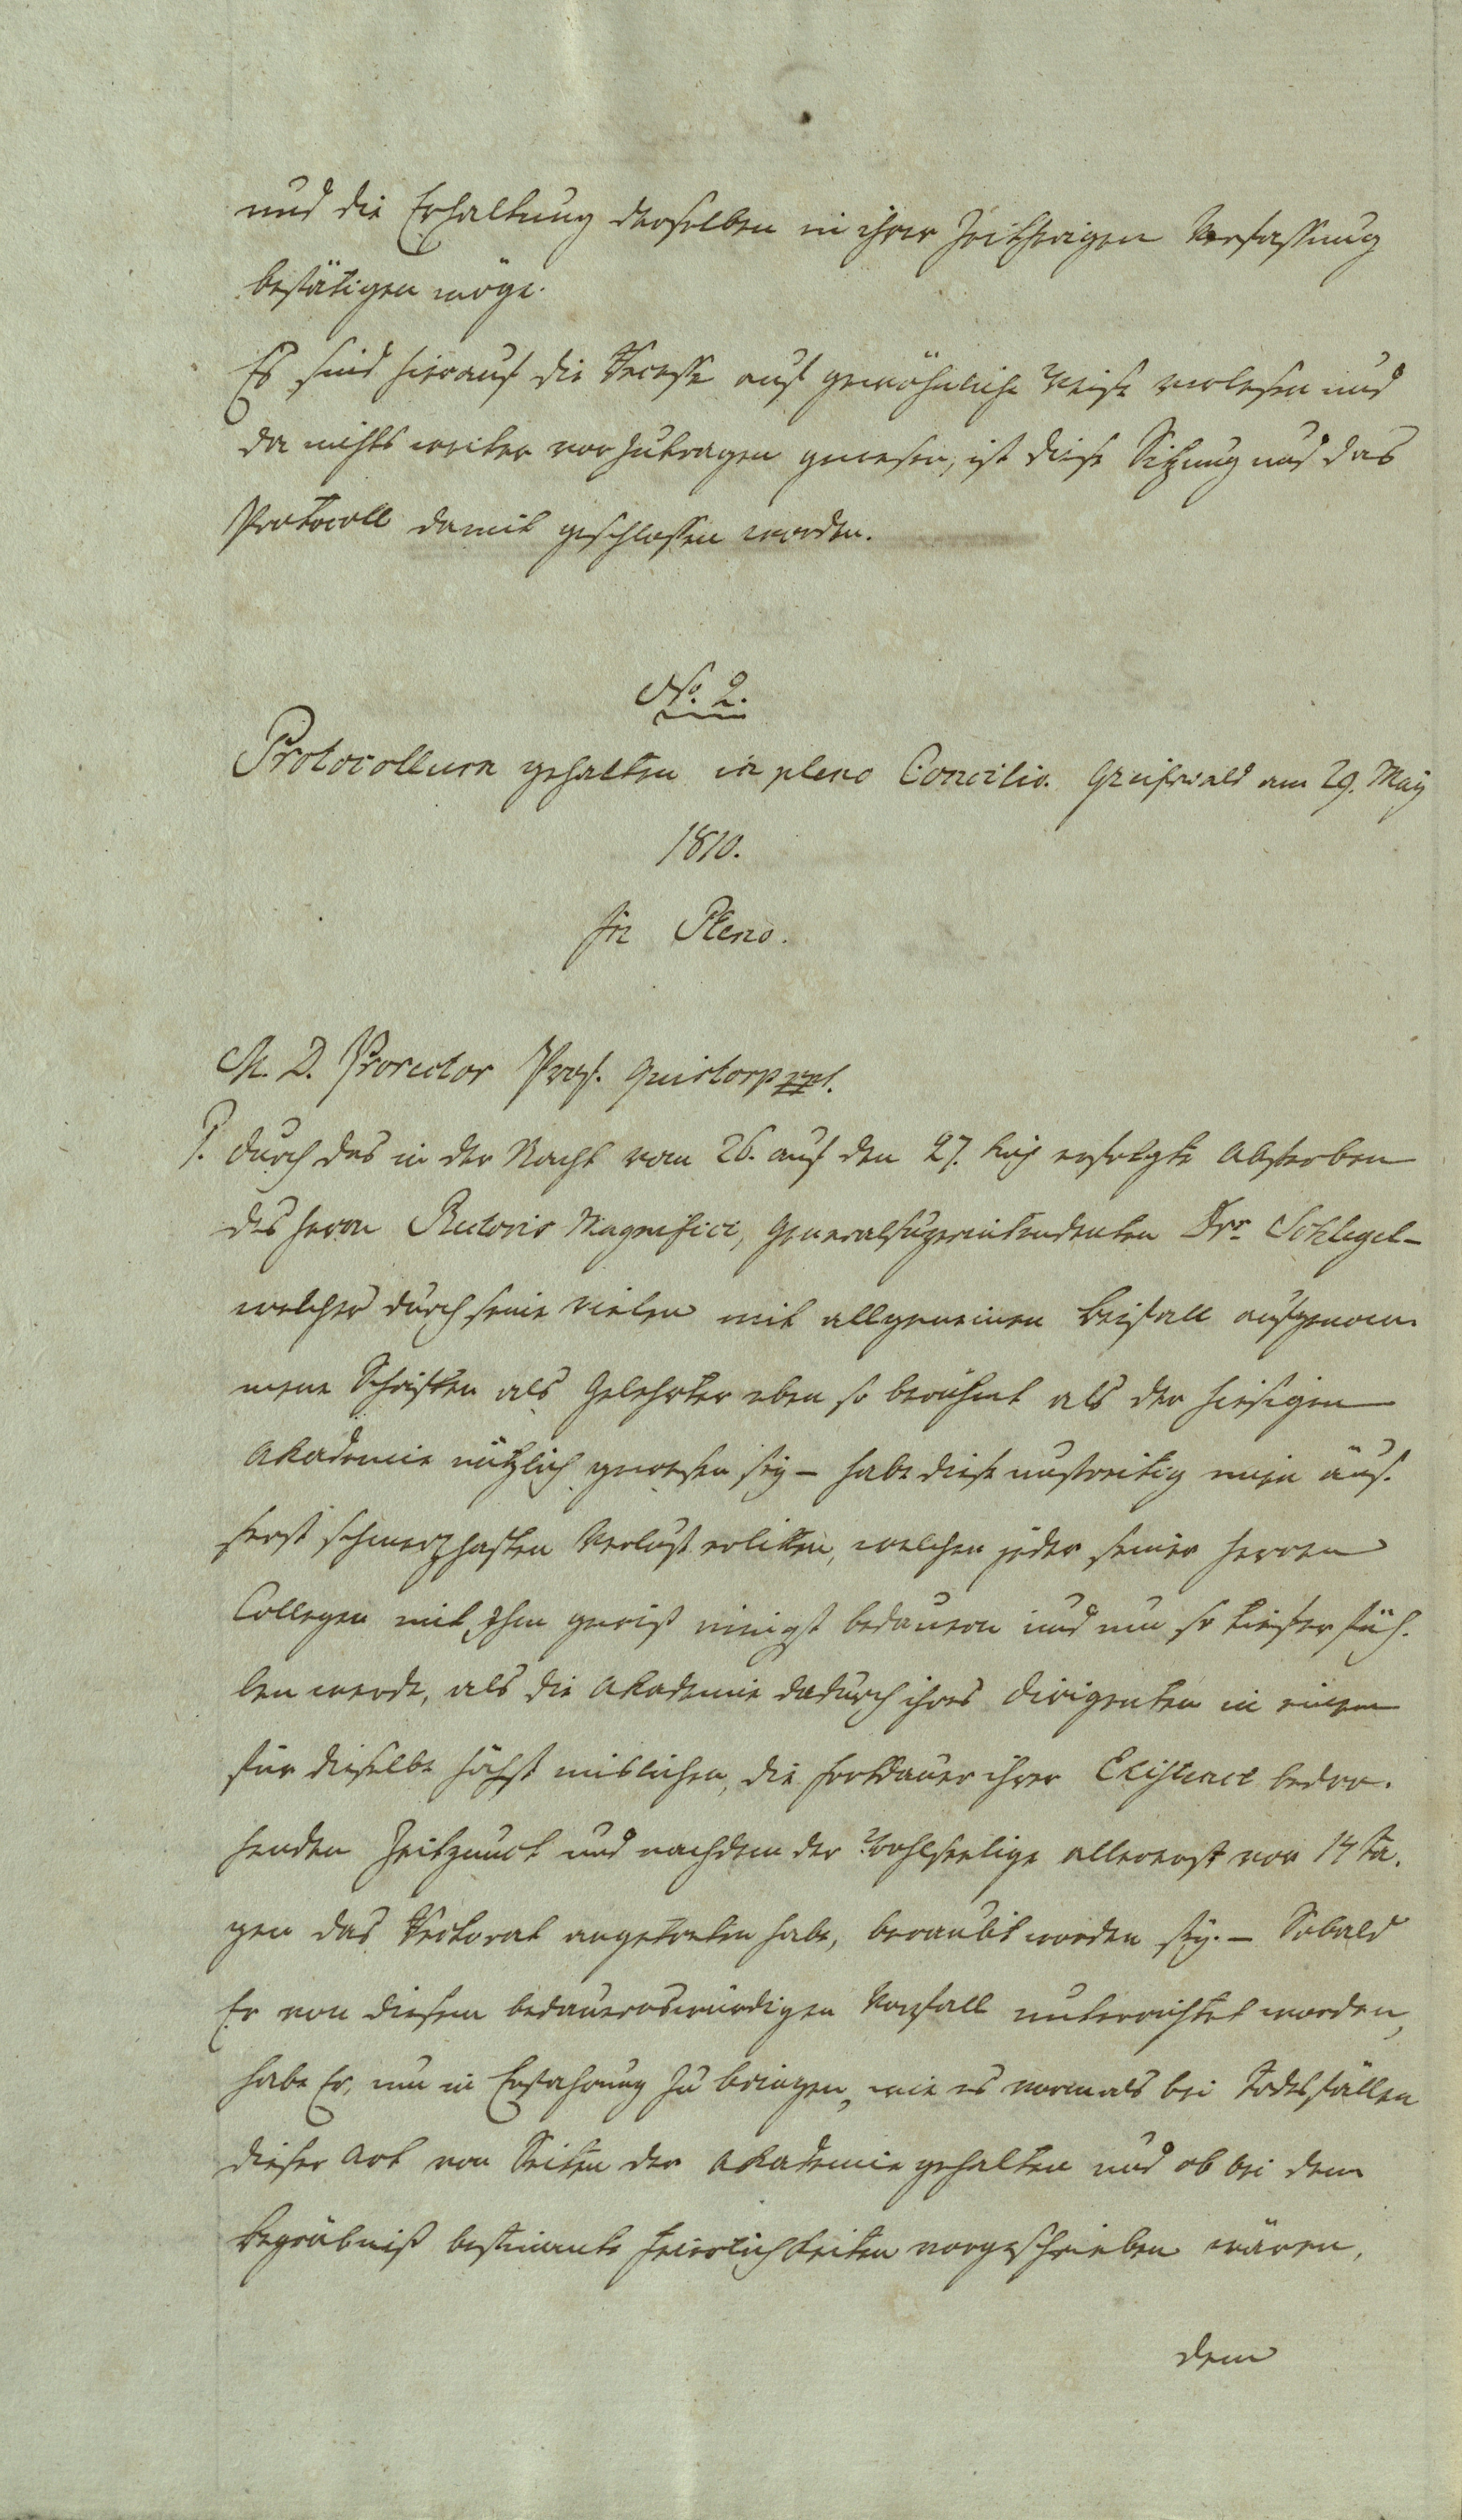und die Erhaltung derselben in ihrer zeithagen Verfassung
bestätigen möge
Es sind hierauf die Receste auf gewnohnliche Weise verlesen und
da nichts weiter vorzutragen gewesen, ist diese Sitzung und das
Protocoll damit geschlossen worden.
No.
Protocollum gehalten in pleno Concilio Greifswald am 29. Maÿ
so.
In Pleno
M. D. Prorector Prof. Quistorp.
7. Durch des in der Nacht von 26 auf dem 27. huj erfolgten Absterben
des herrn Rectoris Magnifice, Gweratsugprintendenten Sr Schlegel.
welcher durch seine vielen mit allgemeinen Beifall aufgenön¬
neue Schriften als gelehrter eben so Bericht als der hiesigen
Akademie nntzlich gewesen seÿn habe diese unstreitig einen aus
erst sehnerdzhaften Verlust eoliten, welchen jeder seiner Herren
Collegen mit ihm gewiß mit bedanern und um so tiefer füh¬
ben werde, als die Akademie dadurch ihres Dirigenten in einen
für dieselbe höchst miblichen, die Foodauer ihrer Ceisence bedvo¬
fenden Zeitpunct und nachdem der Wohlselige allererst von.
gen das Rectorat angetreten habe, beraubt worden seÿ. Sobals
Er von diesem bedaueraswürdigen Vorfall unterrichtet worden
habe Er, um in Erfahrung zu bringen, wie es vormals bei Todes fallen
dieser Art von Seiten der Akademie gehalten und ob bei den
Begräbnis bestimmt heierlicheiten vorgeschrieben wären,
dem